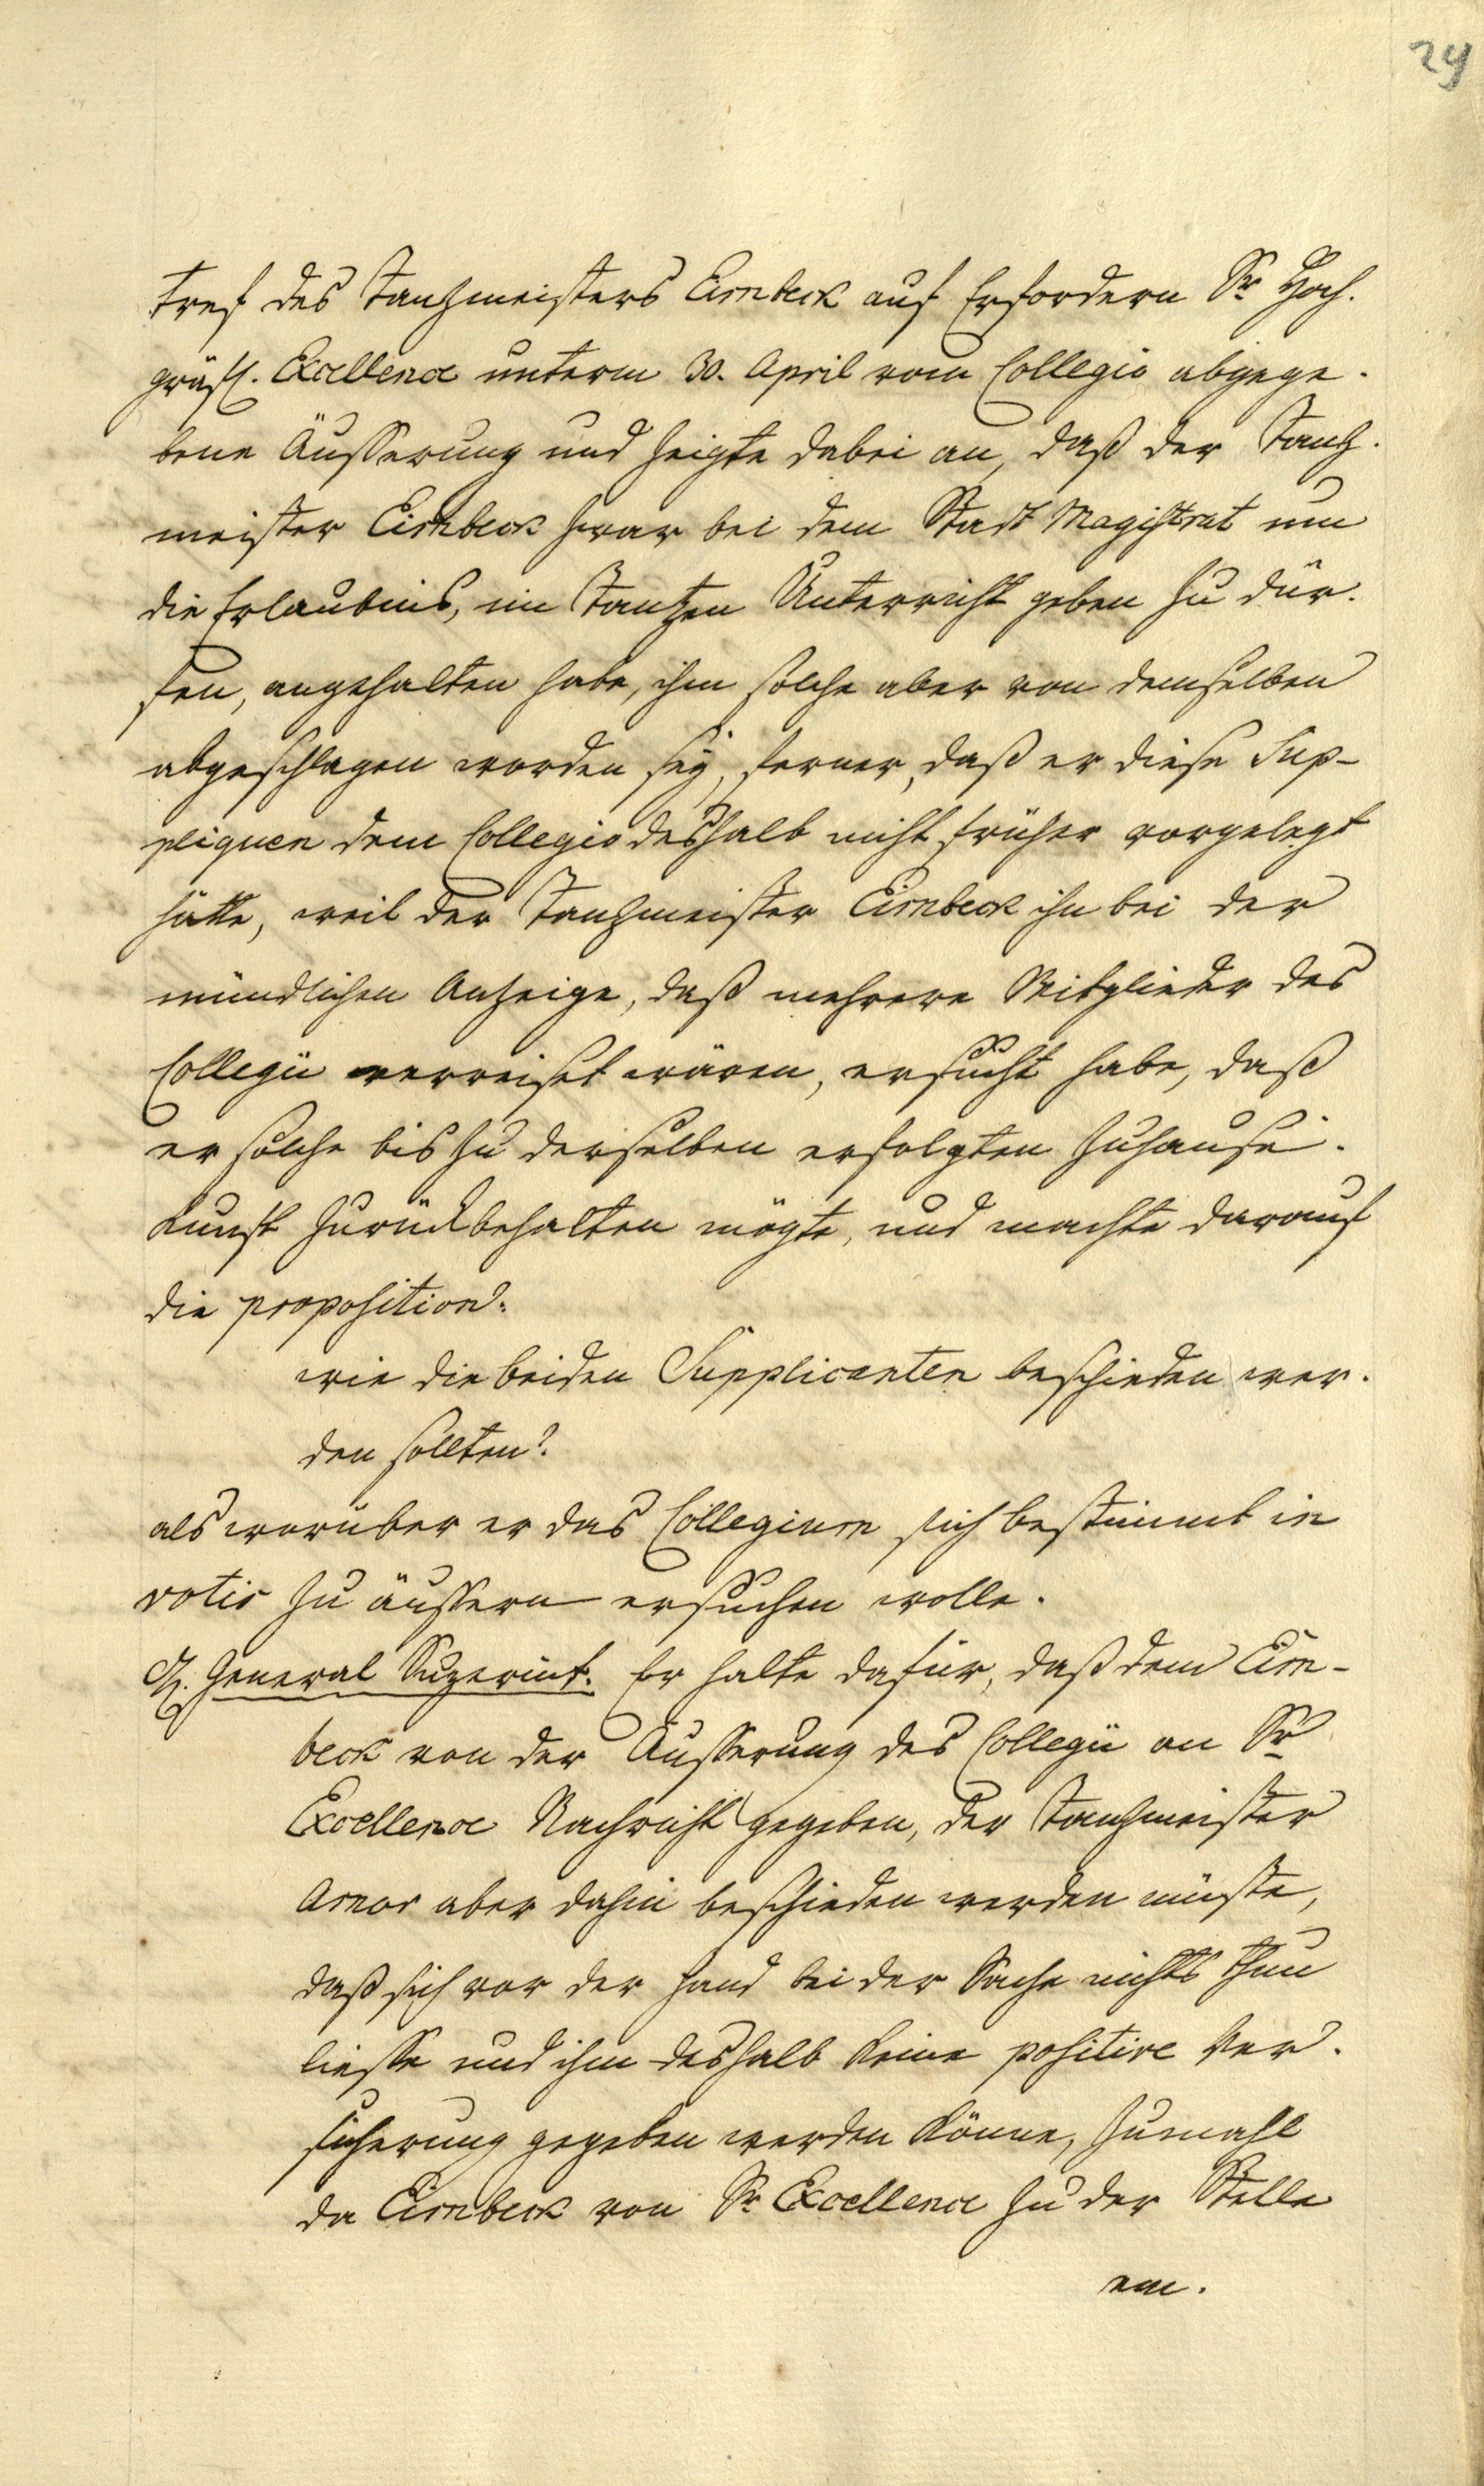tref des Tanzmeisters Eimbeck auf Erfordern Sr. hoch-
gräfl. Excellence unterm 30. April vom Collegio abgege-
bene Äusserung und zeigte dabei an, daß der Tanz-
meister Eimbeck zwar bei dem Stadt Magistrat um
die Erlaubnis, im Tantzen Unterricht geben zu dür-
fen, angehalten habe, ihm solche aber von demselben
abgeschlagen worden sey, ferner, daß er diese Sup-
pliquen dem Collegio deshalb nicht früher vorgelegt
hätte, weil der Tanzmeister Eimbeck ihn bei der
mündlichen Anzeige, daß mehrere Mitglieder des
Collegii verreiset wären, ersucht habe, daß
er solche bis zu derselben erfolgten Zuhause-
kunft zurückbehalten mögte, und machte darauf
die proposition:
wie die beiden Supplicanten beschieden wer-
den sollten?
Als worüber er das Collegium sich bestimmt in
votis zu äussern ersuchen wolle.
dh. General Superint. Er halte dafür, daß dem Eim-
beck von der Äusserung des Collegii an Sr.
Excellence Nachricht gegeben, der Tanzmeister
Amor aber dahin beschieden werden müßte,
daß sich vor der hand bei der Sache nichts thun
liesse und ihm deshalb keine positive Ver-
sicherung gegeben werden könne, zumahl
da Eimbeck von Sr. Excellence zu der Stelle
em-